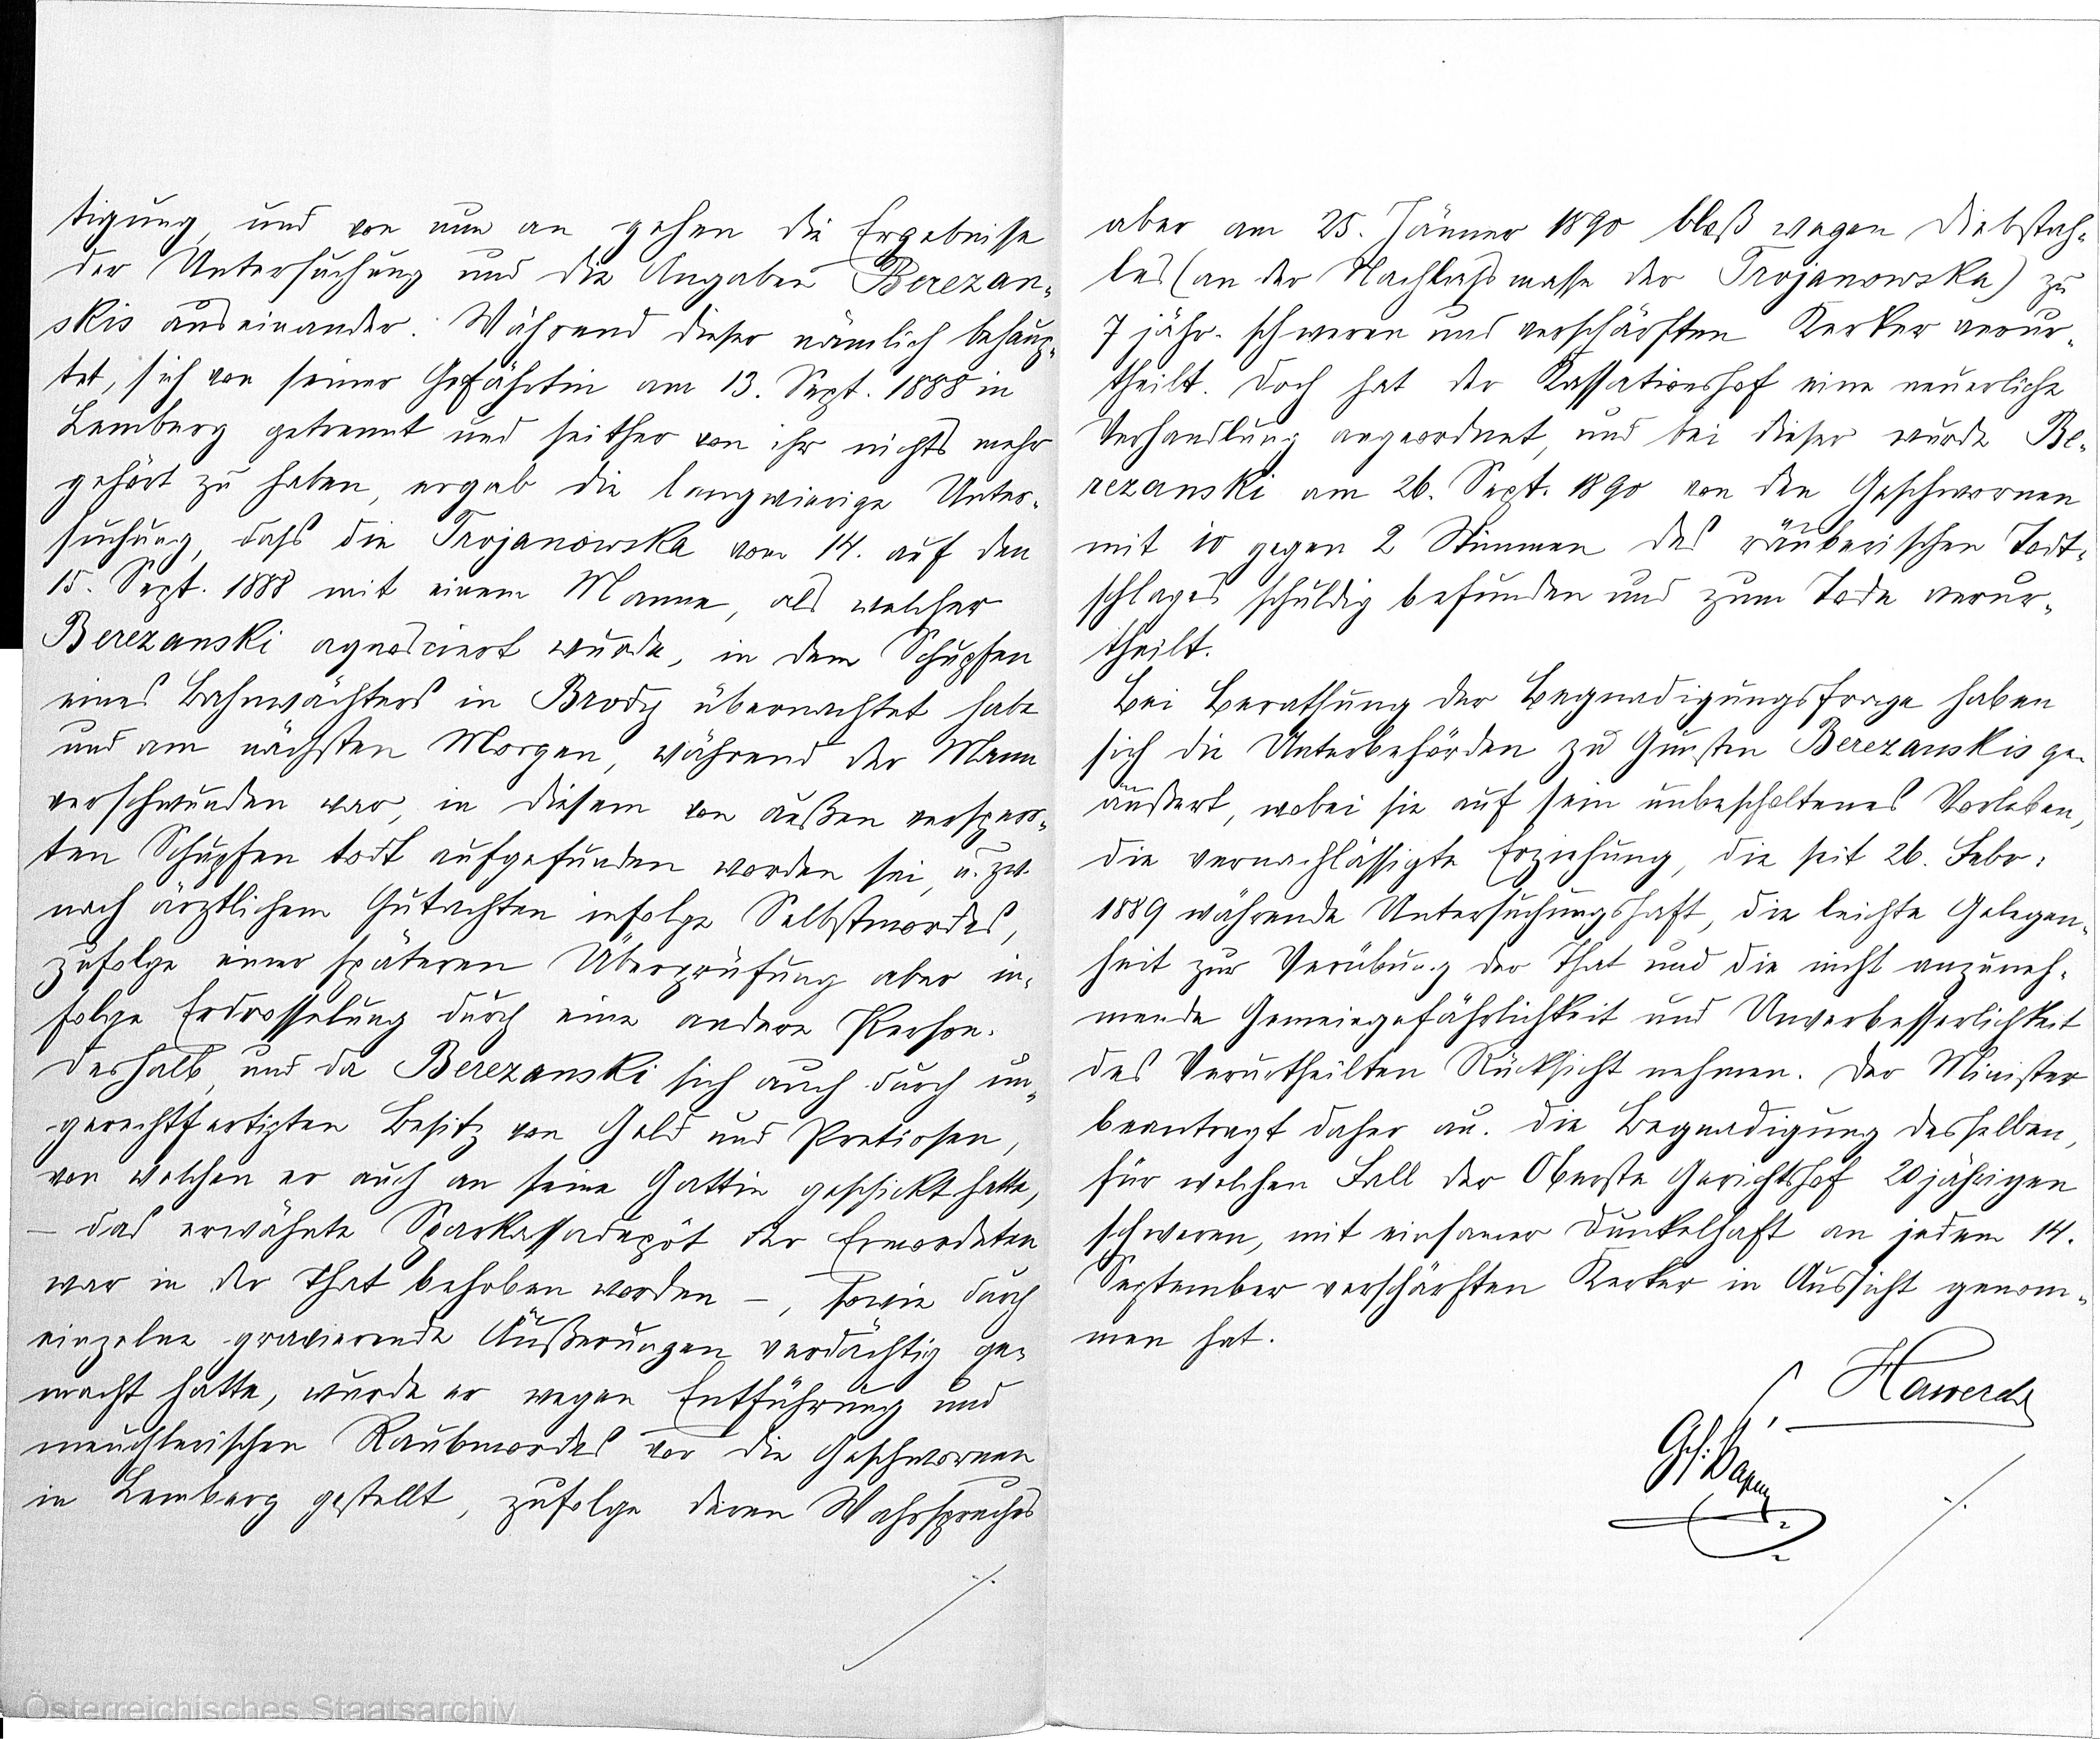tigung, und von nun an gehen die Ergebnisse
der Untersuchung und die Angaben Berezan¬
skis auseinander. Während dieser nämlich behaup¬
tet, sich von seiner Gefährtin am 13. Sept. 1888 in
Lember getrennt und seither von ihr nicht mehr
gehört zu haben, ergab die langwierige Unter¬
suchung, daß die Trojanowska vom 13. Auf den
15. Sept 1888 mit einem Manne, als welcher
Berezanski angosciert wurde, in dem Schupfen
eines Bahnwächters in Brody übernachtet habe
und am nächsten Morgen, während der Mann
verschwunden war, in diesem von außen versperr¬
ten Schupfen todt aufgefunden worden sei, u. zw.
nach ärztlichen Gutachten infolge Selbstmordes,
zufolge einer späteren Überprüfung aber in¬
folge Erdrosselung durch eine andere Person.
Deshalb, und da Berezanski sich auch durch un¬
gerechtfertigten Besitz von Geld und Pretiosen,
von welchen er auch an seine Gattin geschickt hatte,
– das erwähnten Sparkassadepot der Ermordeten
war in der That behoben worden – sowie durch
einzelne gravierende Äußerungen verdächtig ge¬
macht hatte, wurde er wegen Entführung und
meuchlerischen Raubmordes vor die Geschworenen
in Lemberg gestellt, zufolge deren Wahrspruches
aber am 25. Jänner 1890 bloß wegen Diebstah¬
les (an der Nachlaßmasse der Trojanowska) zu
7 jähr. Schweren und verschärften Kerker verur¬
theilt. Doch hat der Kassationshof eine neuerliche
Verhandlung angeordnet, und bei dieser wurde Be¬
rezanski am 26. Sept. 1890 von den Geschworenen
mit 10 gegen 2 Stimmen des räuberischer Todt¬
schlages schuldig befunden und zum Tode verur¬
theilt.
Bei Berathung der Begnadigungsfrage haben
sich die Unterbehörden zu Gunsten Berezanskis ge¬
äußert, wobei sie auf sein unbescholtenes Vorleben,
die unvernachlässigte Erziehung, die seit 26. Febr.
1889 währende Untersuchungshaft, die leichte Gelegen¬
heit zur Verübung der That und die nicht anzuneh¬
mende Gemeingefährlichkeit und Unverbesserlichkeit
des Verurtheilten Rücksicht nehmen. Der Minister
beantragt daher au. die Begnadigung desselben,
für welchen Fall der Oberste Gerichtshof 20jährigen
schweren, mit einsamer Dunkelhaft an jedem 14.
September verschärften Kerker in Aussicht genom¬
men hat.
Hawerd
Grf Basny
2/2